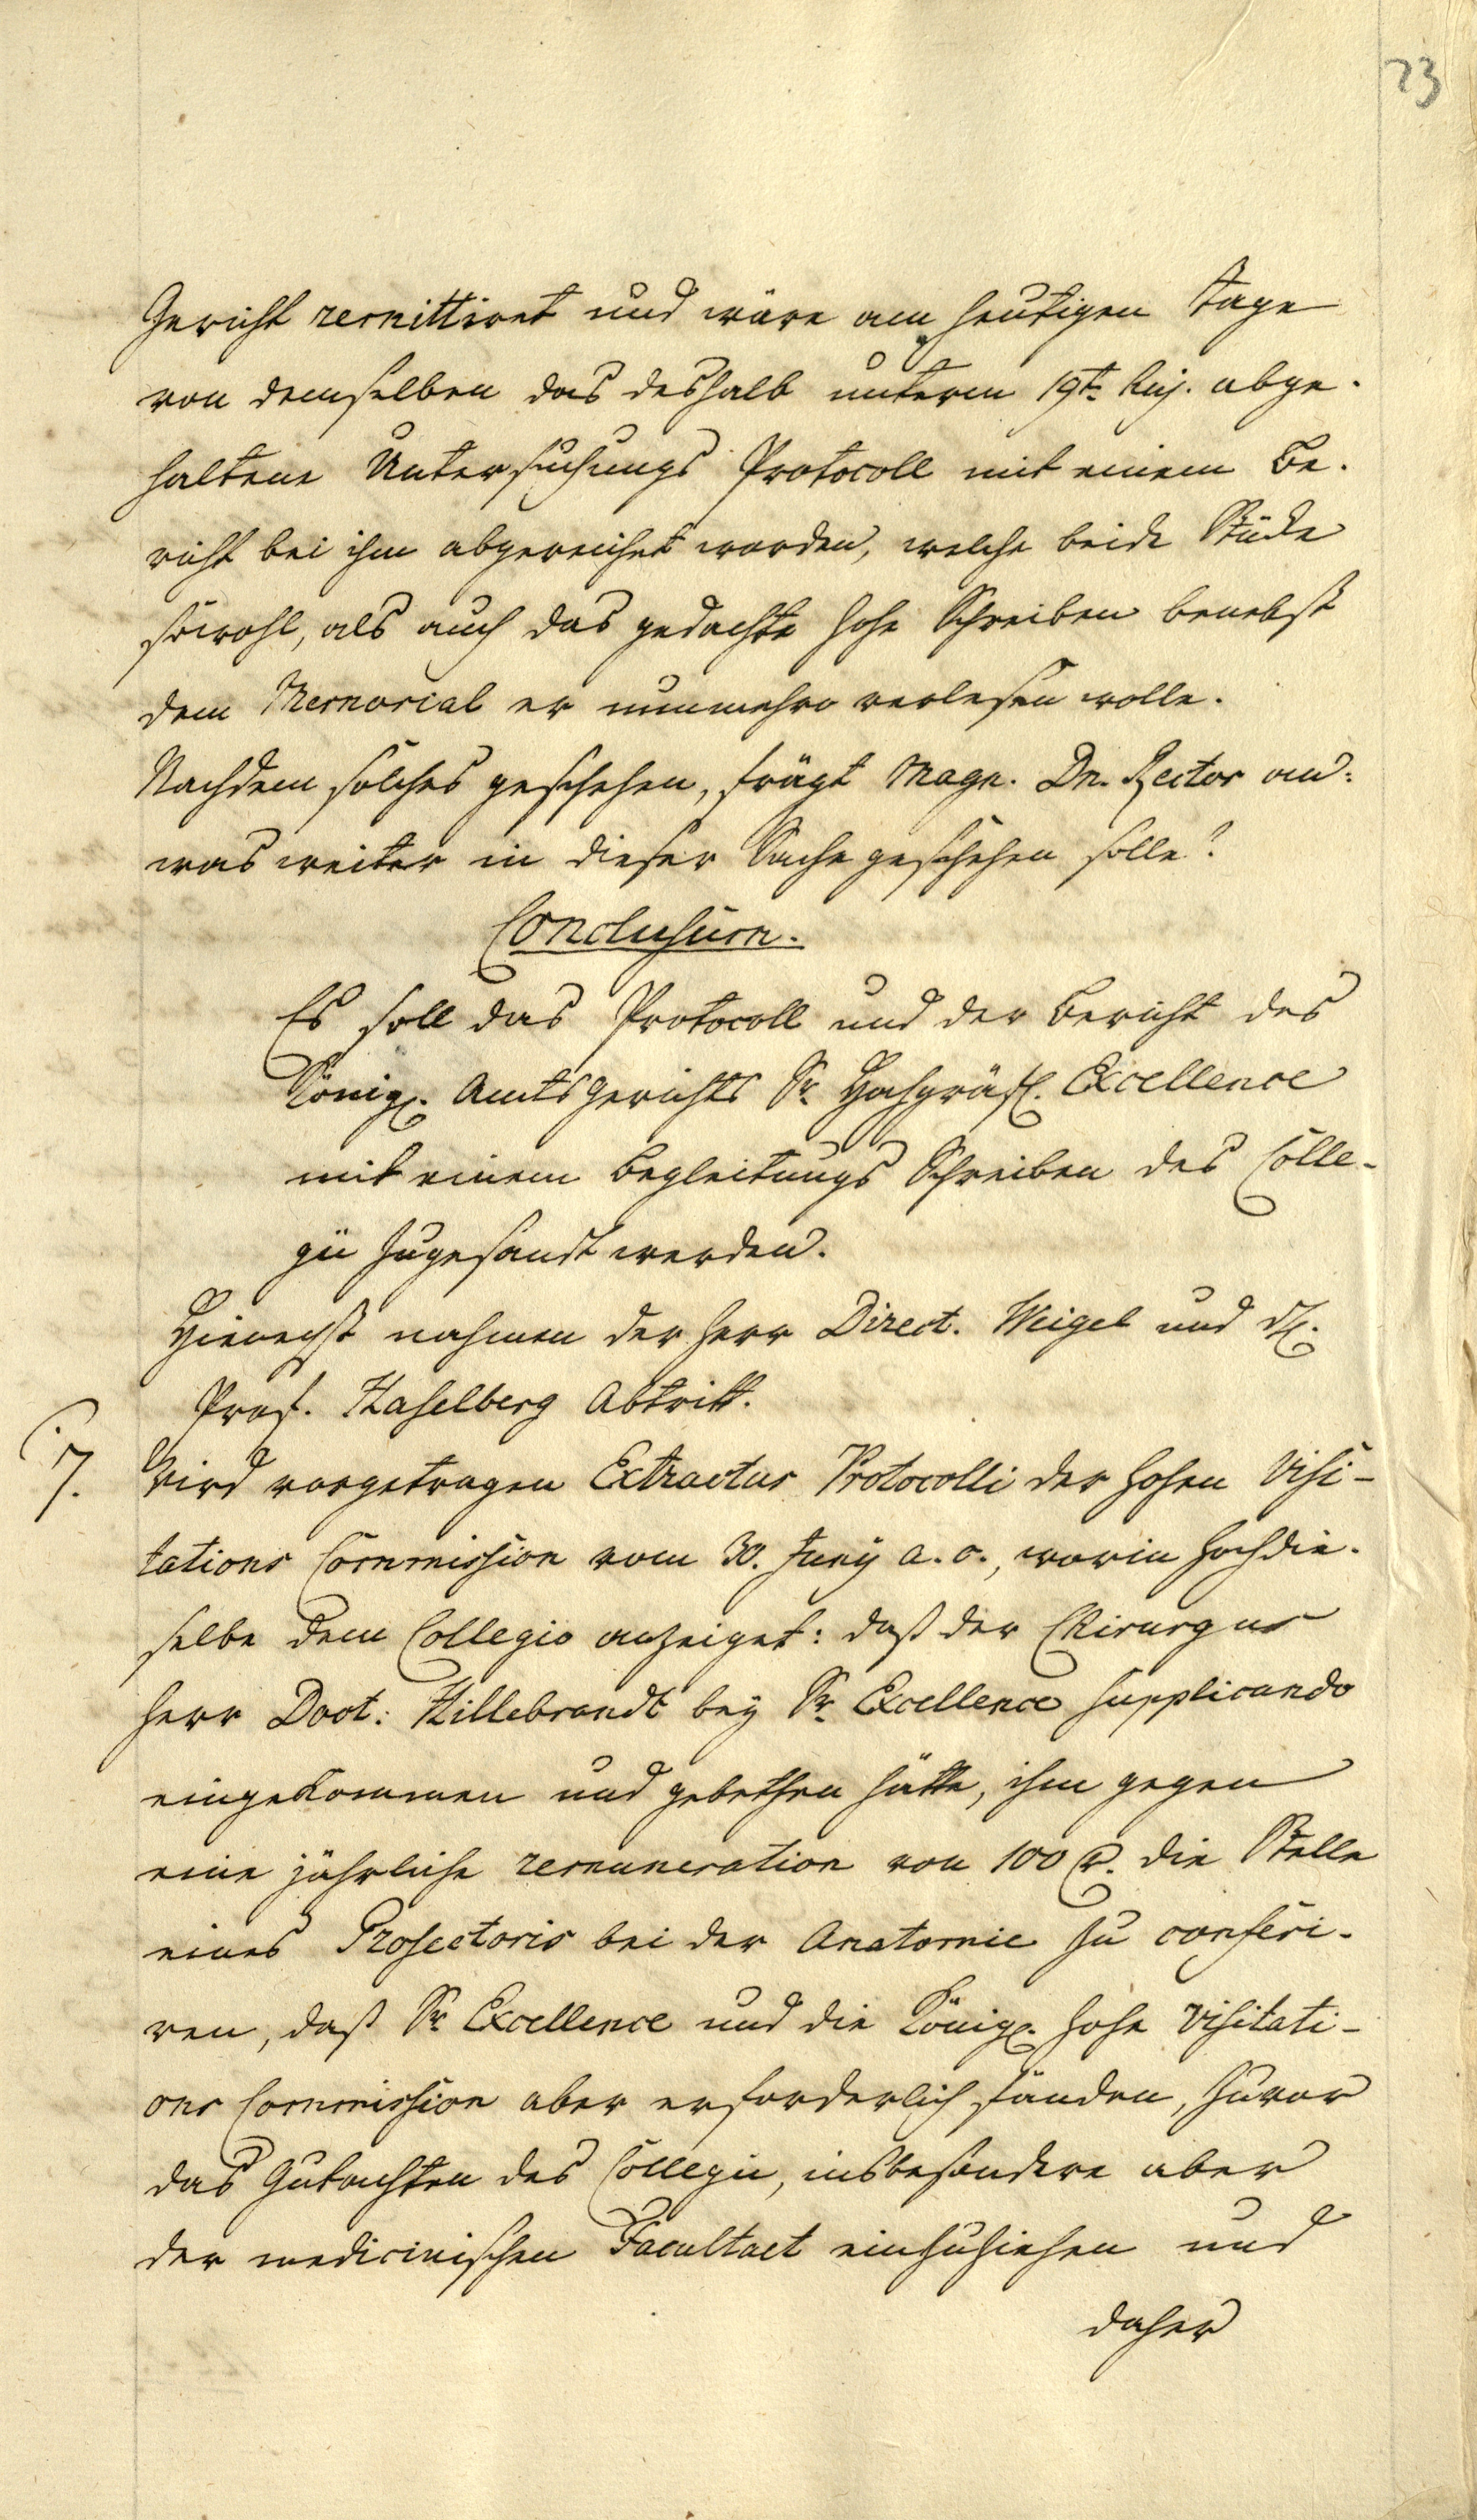Gericht remittiret und wäre am heutigen Tage
von demselben das deshalb unterm 19ten huj. abge-
haltene Untersuchungs Protocoll mit einem Be-
richt bei ihm abgereichet worden, welche beide Stücke
sowohl, als auch das gedachte hohe Schreiben benebst
dem Memorial er nunmehro verlesen wolle.
Nachdem solches geschehen, frägt Magn. Dn. Rector an:
was weiter in dieser Sache geschehen solle?
Conclusum.
Es soll das Protocoll und der Bericht des
Königl. Amtsgerichts sr. Hochgräfl. Excellence
mit einem Begleitungs Schreiben des Colle-
gii zugesandt werden.
Hienechst nahmen der Herr Direct. Weigel und dh.
Prof. Haselberg Abtritt.
7. Wird vorgetragen Extractus Protocolli der hohen Visi-
tations Commission vom 30. Juny a. c., worin hochdie-
selbe dem Collegio anzeiget: daß der Chirurgus
Herr Doct. Hillebrandt bey Sr. Excellence supplicando
eingekommen und gebethen hätte, ihm gegen
eine jährliche remuneration von 100 rtl die Stelle
eines Prosectoris bei der Anatomie zu conferi-
ren, daß Sr. Excellence und die Königl. hohe Visitati-
ons Commission aber erforderlich fänden, zuvor
das Guthachten des Collegii, insbesondere aber
der medicinischen Facultaet einzuziehen und
daher